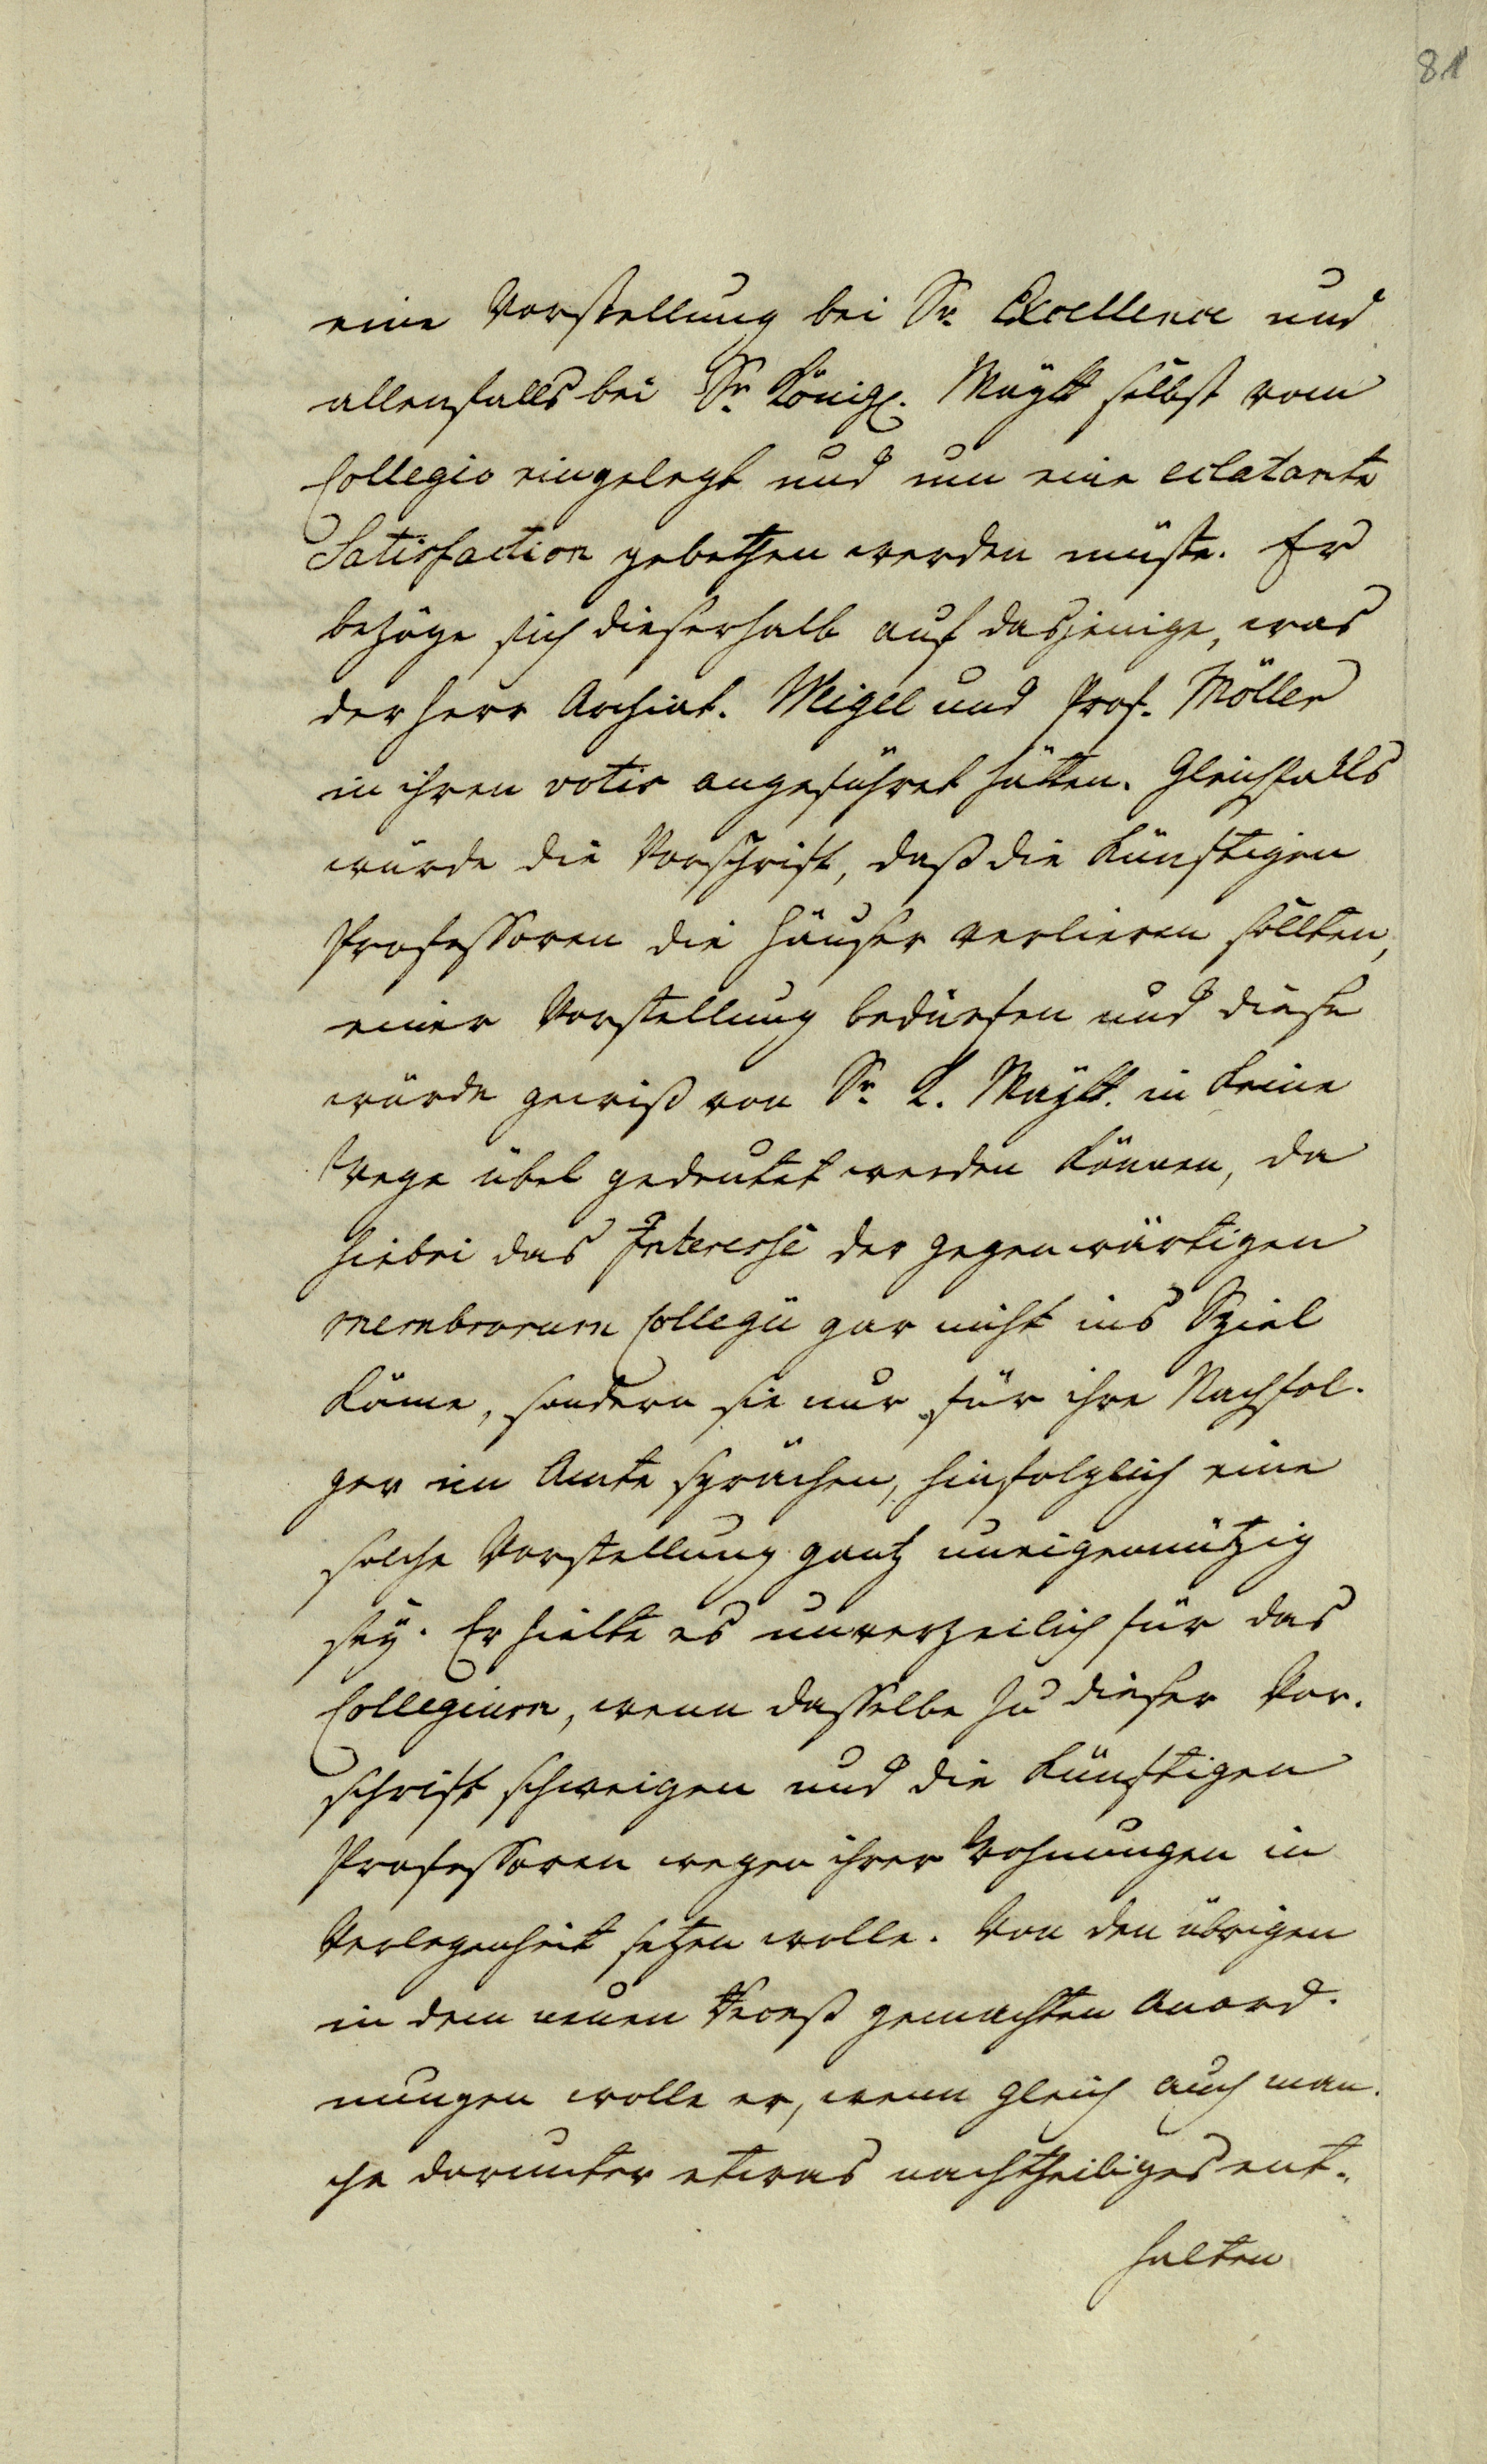eine Vorstellung bei Sr Excellence und
allenfalls bei Sr Königl. Maÿtt selbst vom
Collegio eingelegt und um eine eclatante
Satisfaction gebethen werden müßte. Er
bezöge sich dieserhalb auf dasjenige, was
der Herr Archiat. Weigel und Prof. Möller
in ihren votis angeführet hätten. Gleichfalls
würde die Vorschrift, daß die künftigen
Professoren die Häuser verlieren sollten,
einer Vorstellung bedürfen und diese
würde gewiß von Sr K. Maÿtt. in keine
Wege übel gedeutet werden können, da
hiebei das Interesse der gegenwärtigen
membrorum Collegii gar nicht ins Spiel
käme, sondern sie nur für ihre Nachfol¬
ger im Amte sprächen, hinfolglich eine
solche Vorstellung gantz uneigennützig
seÿ. Er hielte es unverzeilich für das
Collegium, wenn dasselbe zu dieser Vor¬
schrift schweigen und die künftigen
Professoren wegen ihrer Wohnungen in
Verlegenheit setzen wolle. Von den übrigen
in dem neuen Receß gemachten Anord¬
nungen wolle er, wenn gleich auch man¬
che darunter etwas nachtheiliges ent¬
halten